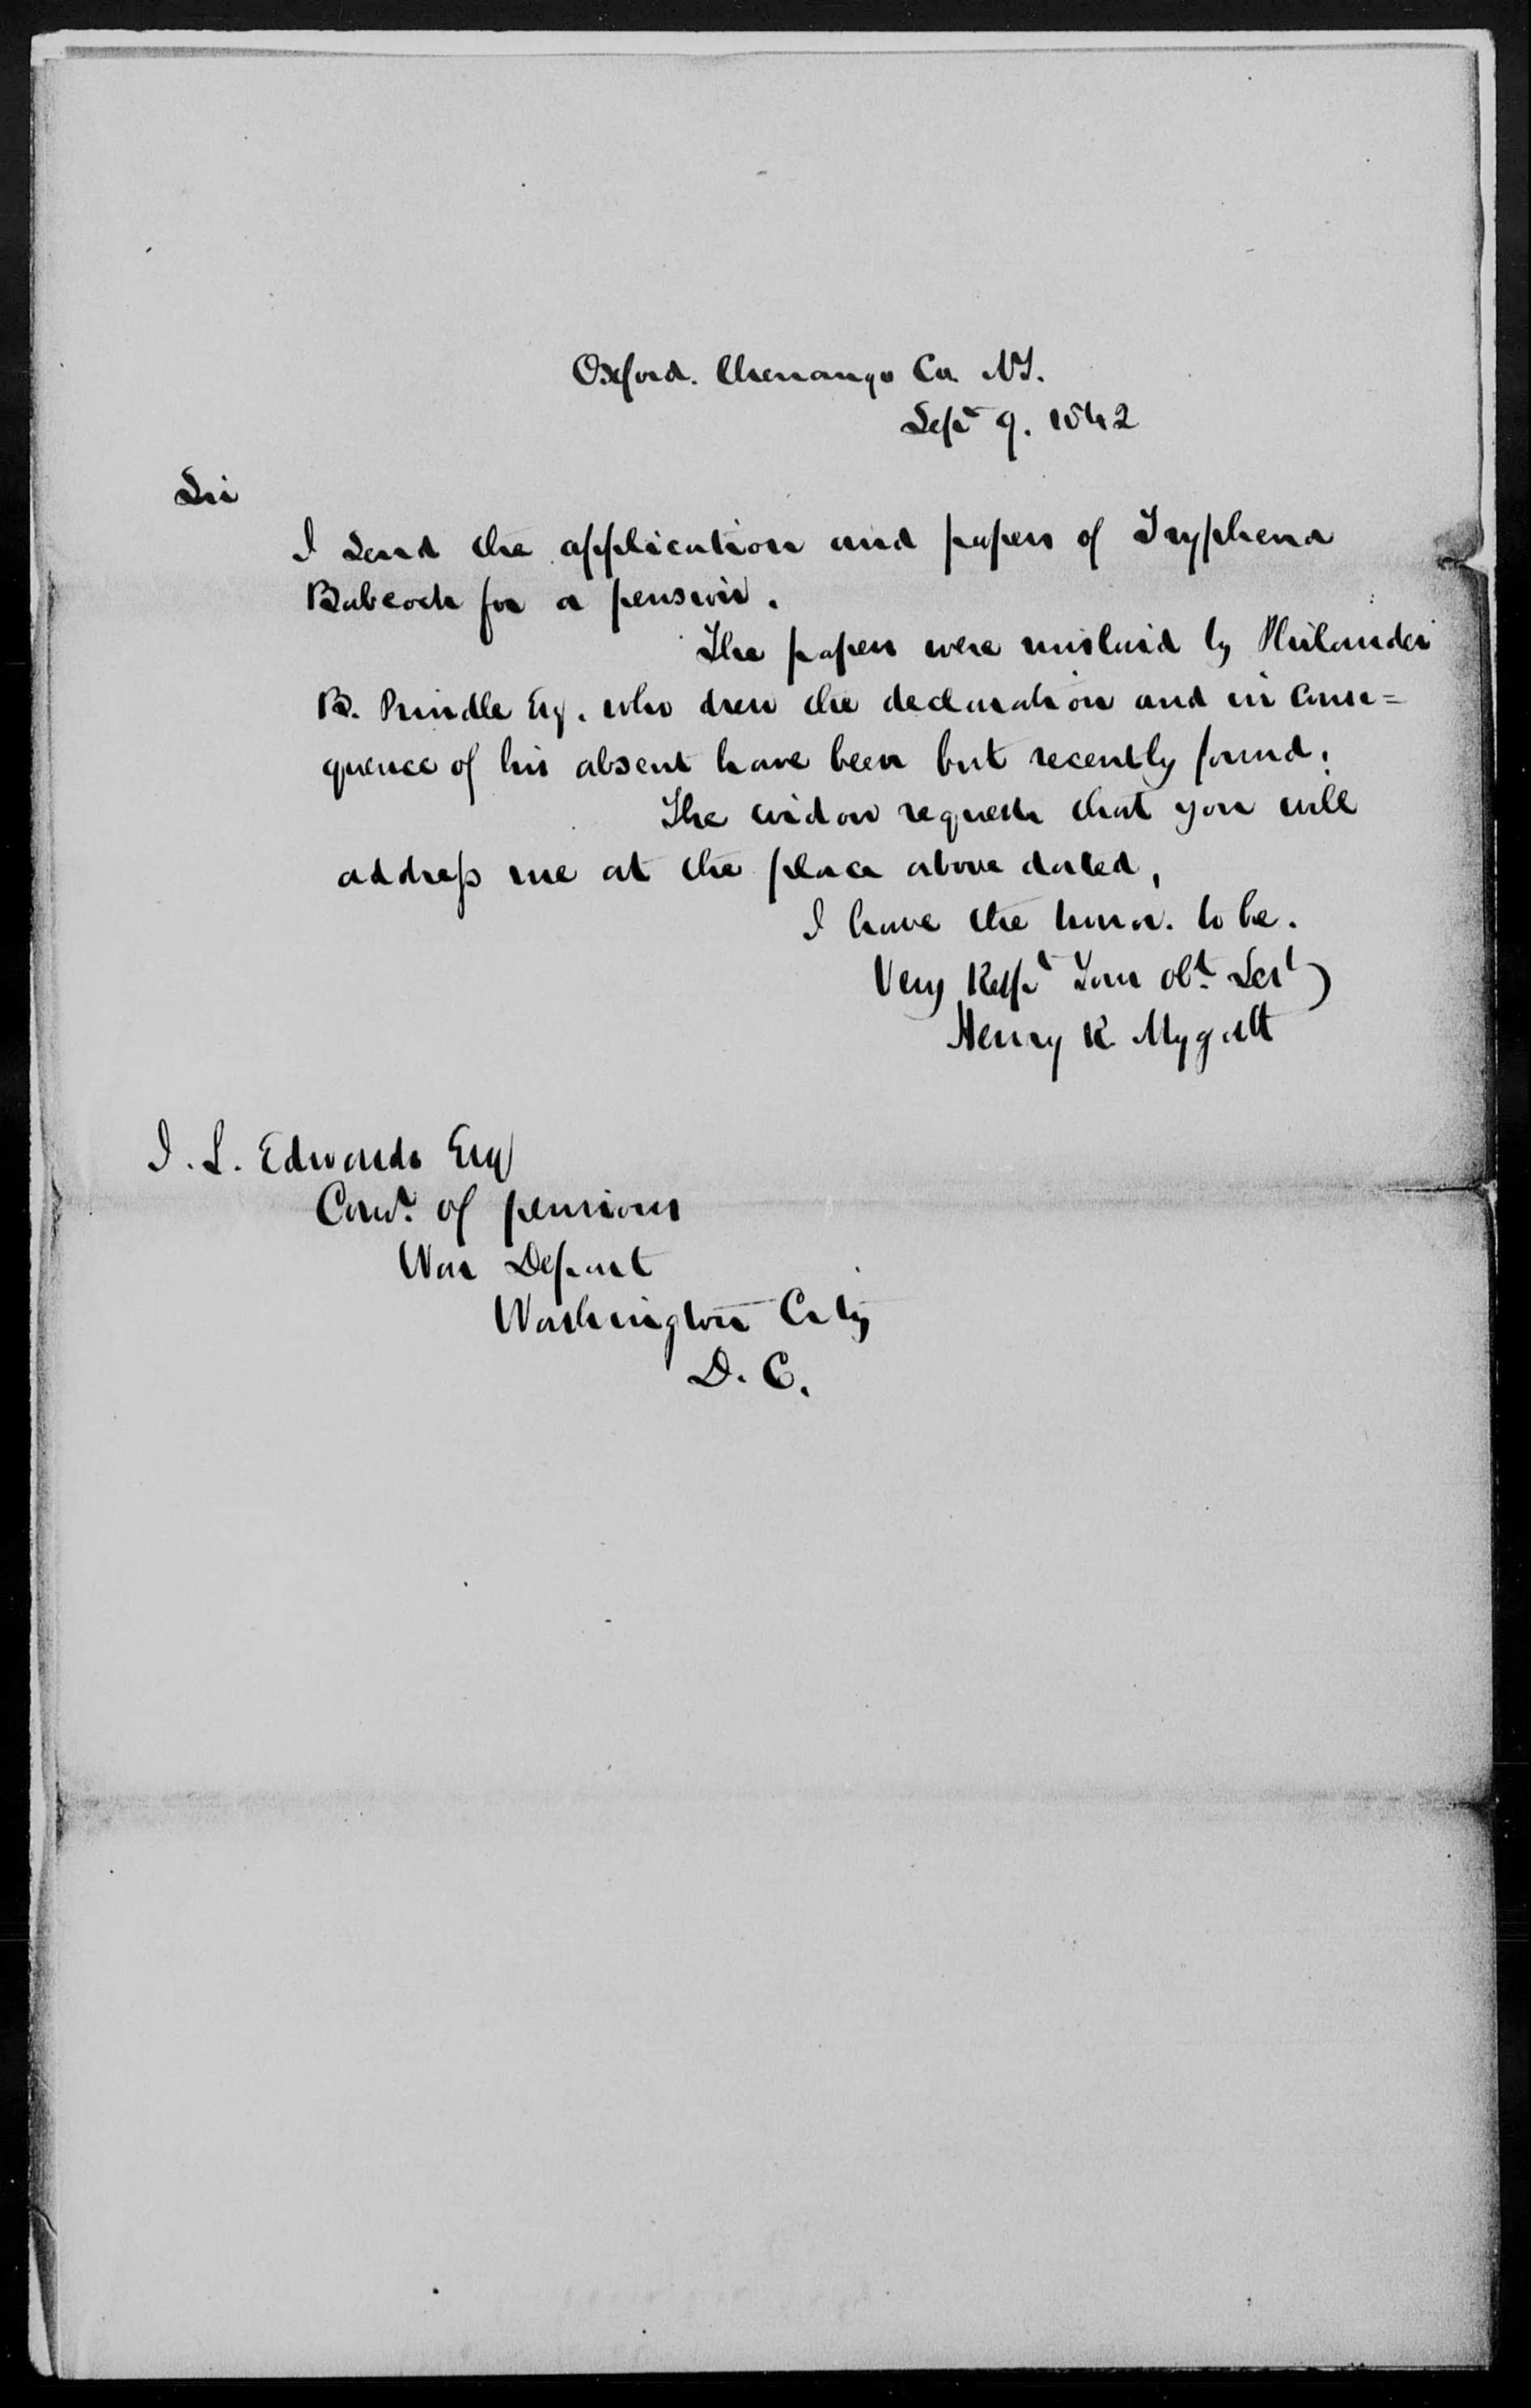Oxford Chenango Co NY Sept 9. 1842 
Sir
I send the application and papers of Tryphena Babcock for a pension. 
The papers who mislaid by Philander B. Prindle Esq who drew the declaration and in consequence of his absence have been but recently found.   
The widow requests that you will address me at the place above stated.  
I have the honor to be. Very Respy Your Obt Sert 
Henry R. Mygatt
J. L. Edwards Esq Court of Pensions War Depart Washington City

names: Philander B Prindle, J L Edwards, Tryphena Babcock, Henry R Mygatt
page: 9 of 10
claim: rejected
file: R. 345, Daniel Babcock, Conn.